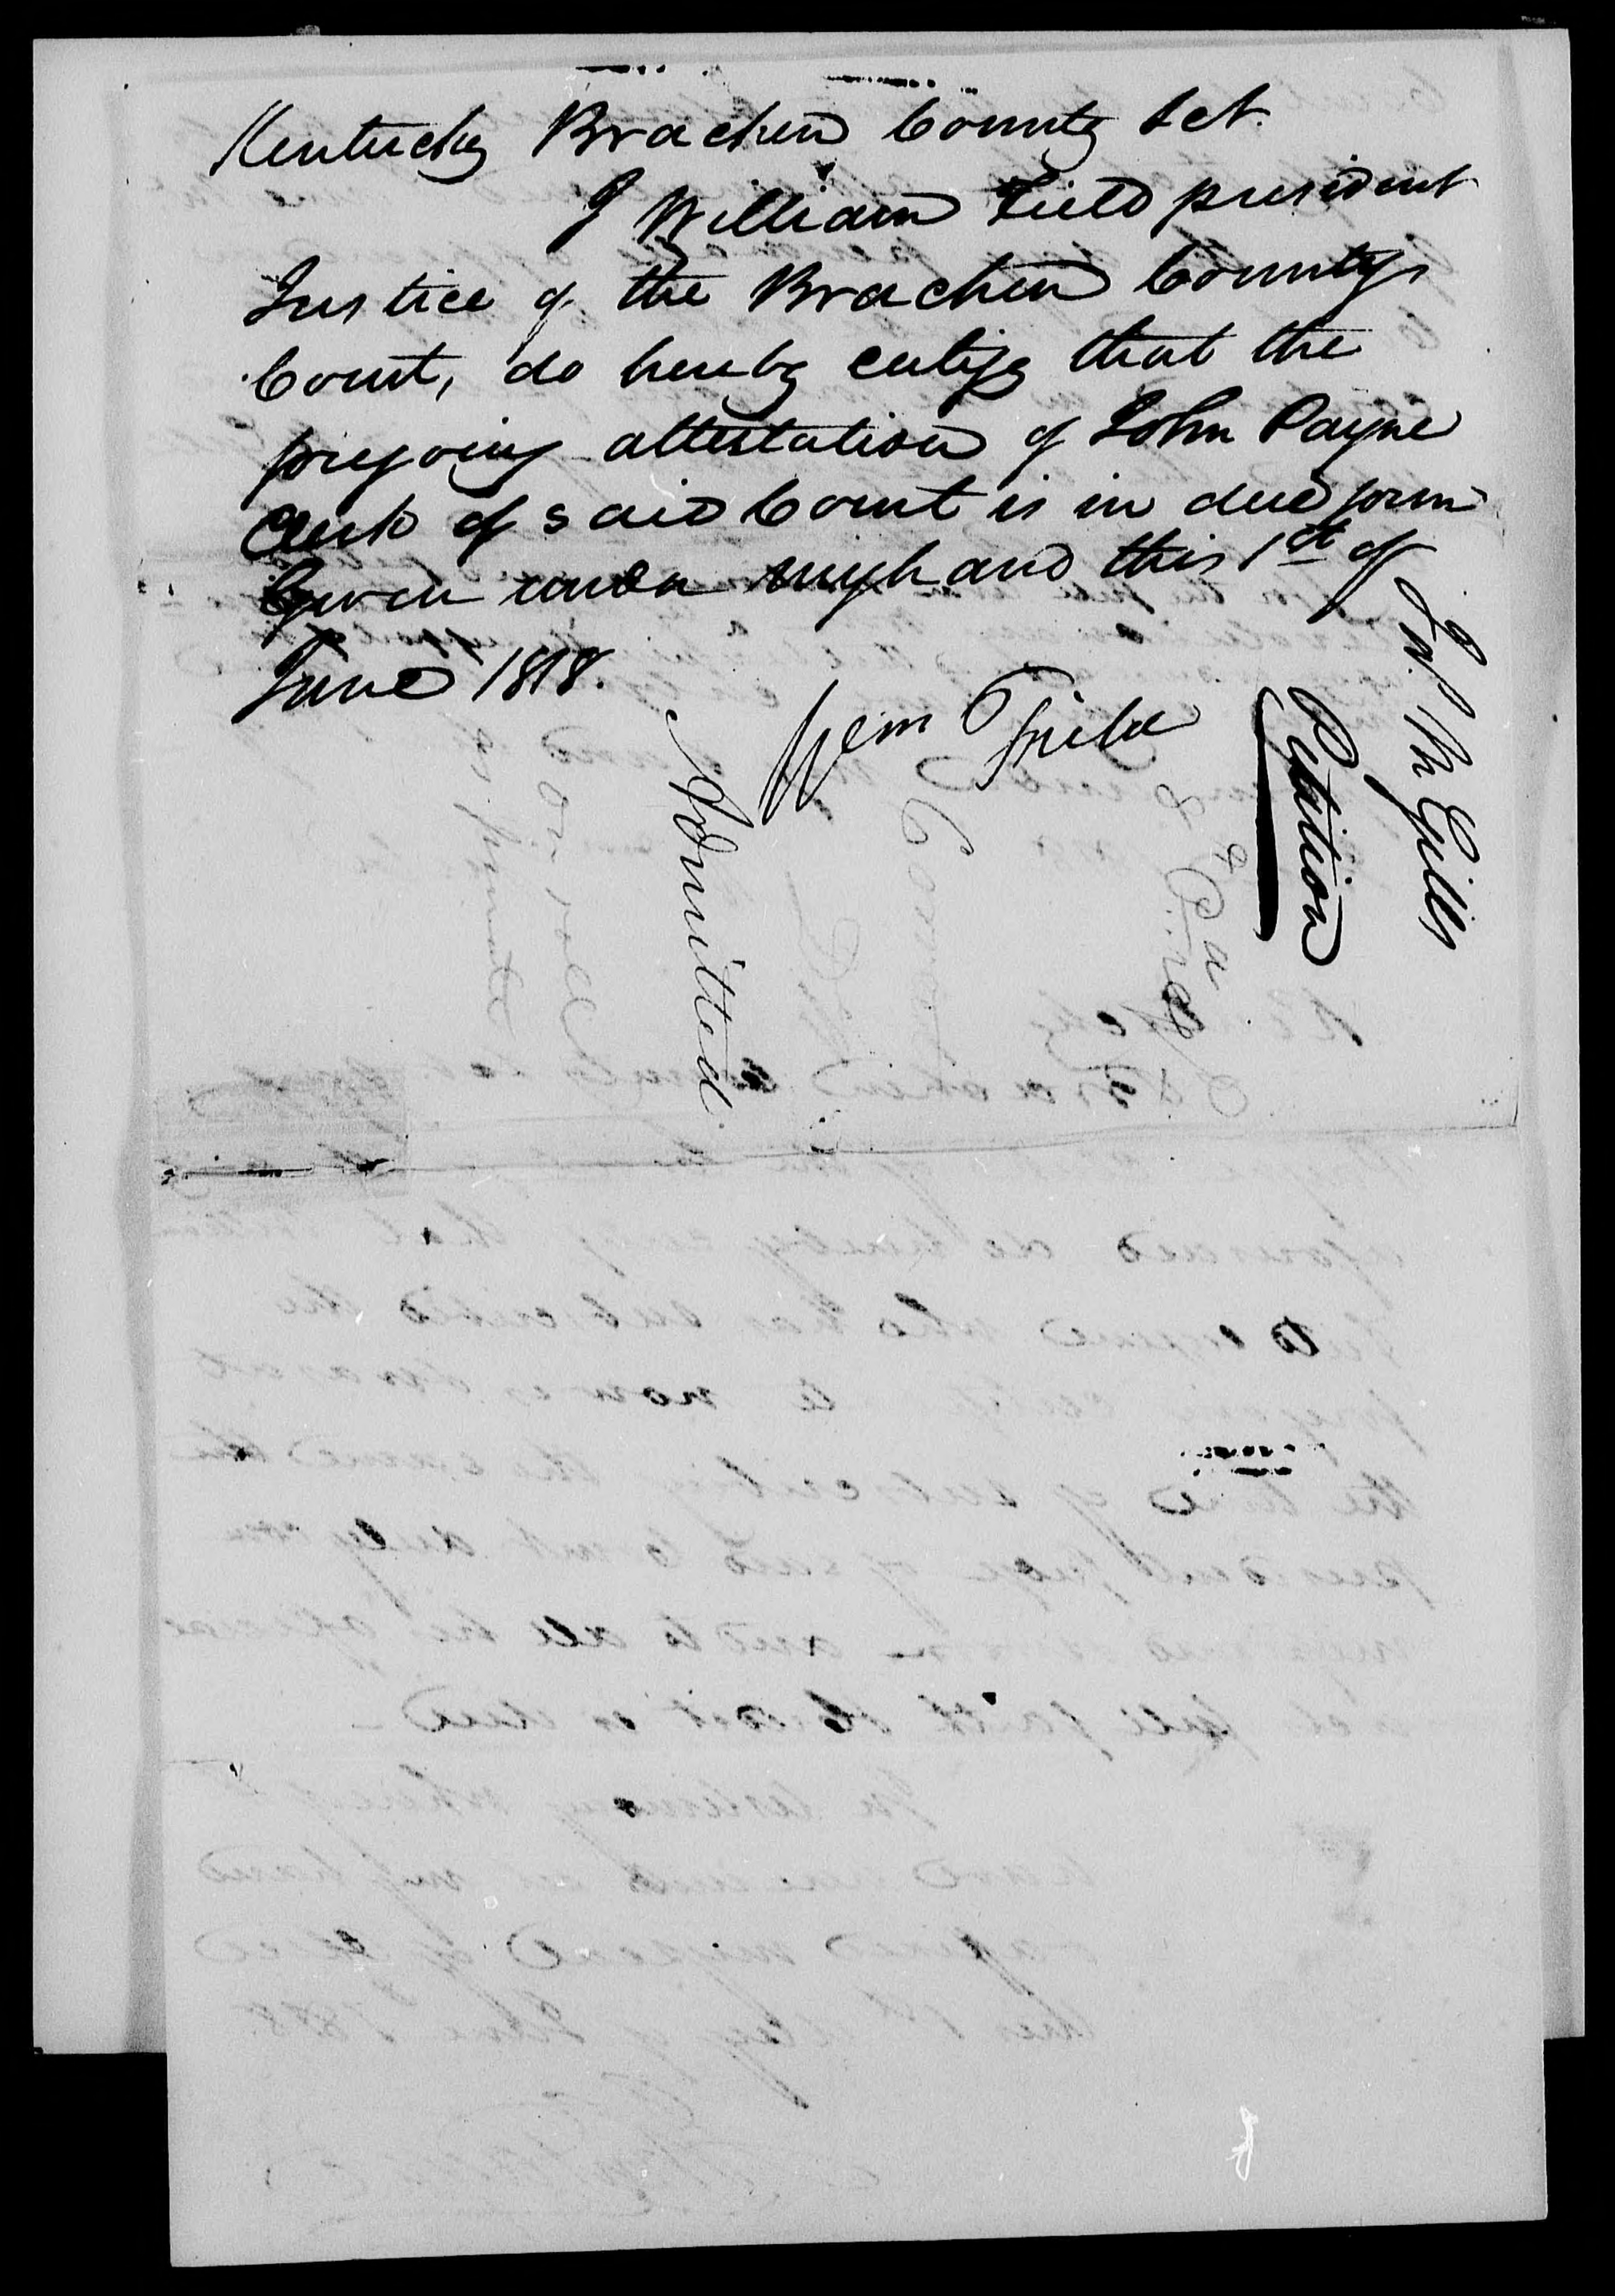image 77   (# 4160873_00077)    
Fold3 File #23857244
[continued from image 76]

Kentucky Bracken County Sct   I William Field, president justice of the Bracken County Court, do hereby certify that the foregoing attestation of John Payne, clerk of said court is in due form.
Given under my hand this 1st day of June 1818.
Wm Field

[Sidebar Cover]  Jas. McGill Petition    Admitted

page: 20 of 71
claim: widow's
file: W. 8428, for James Mc Gill, Pennsylvania